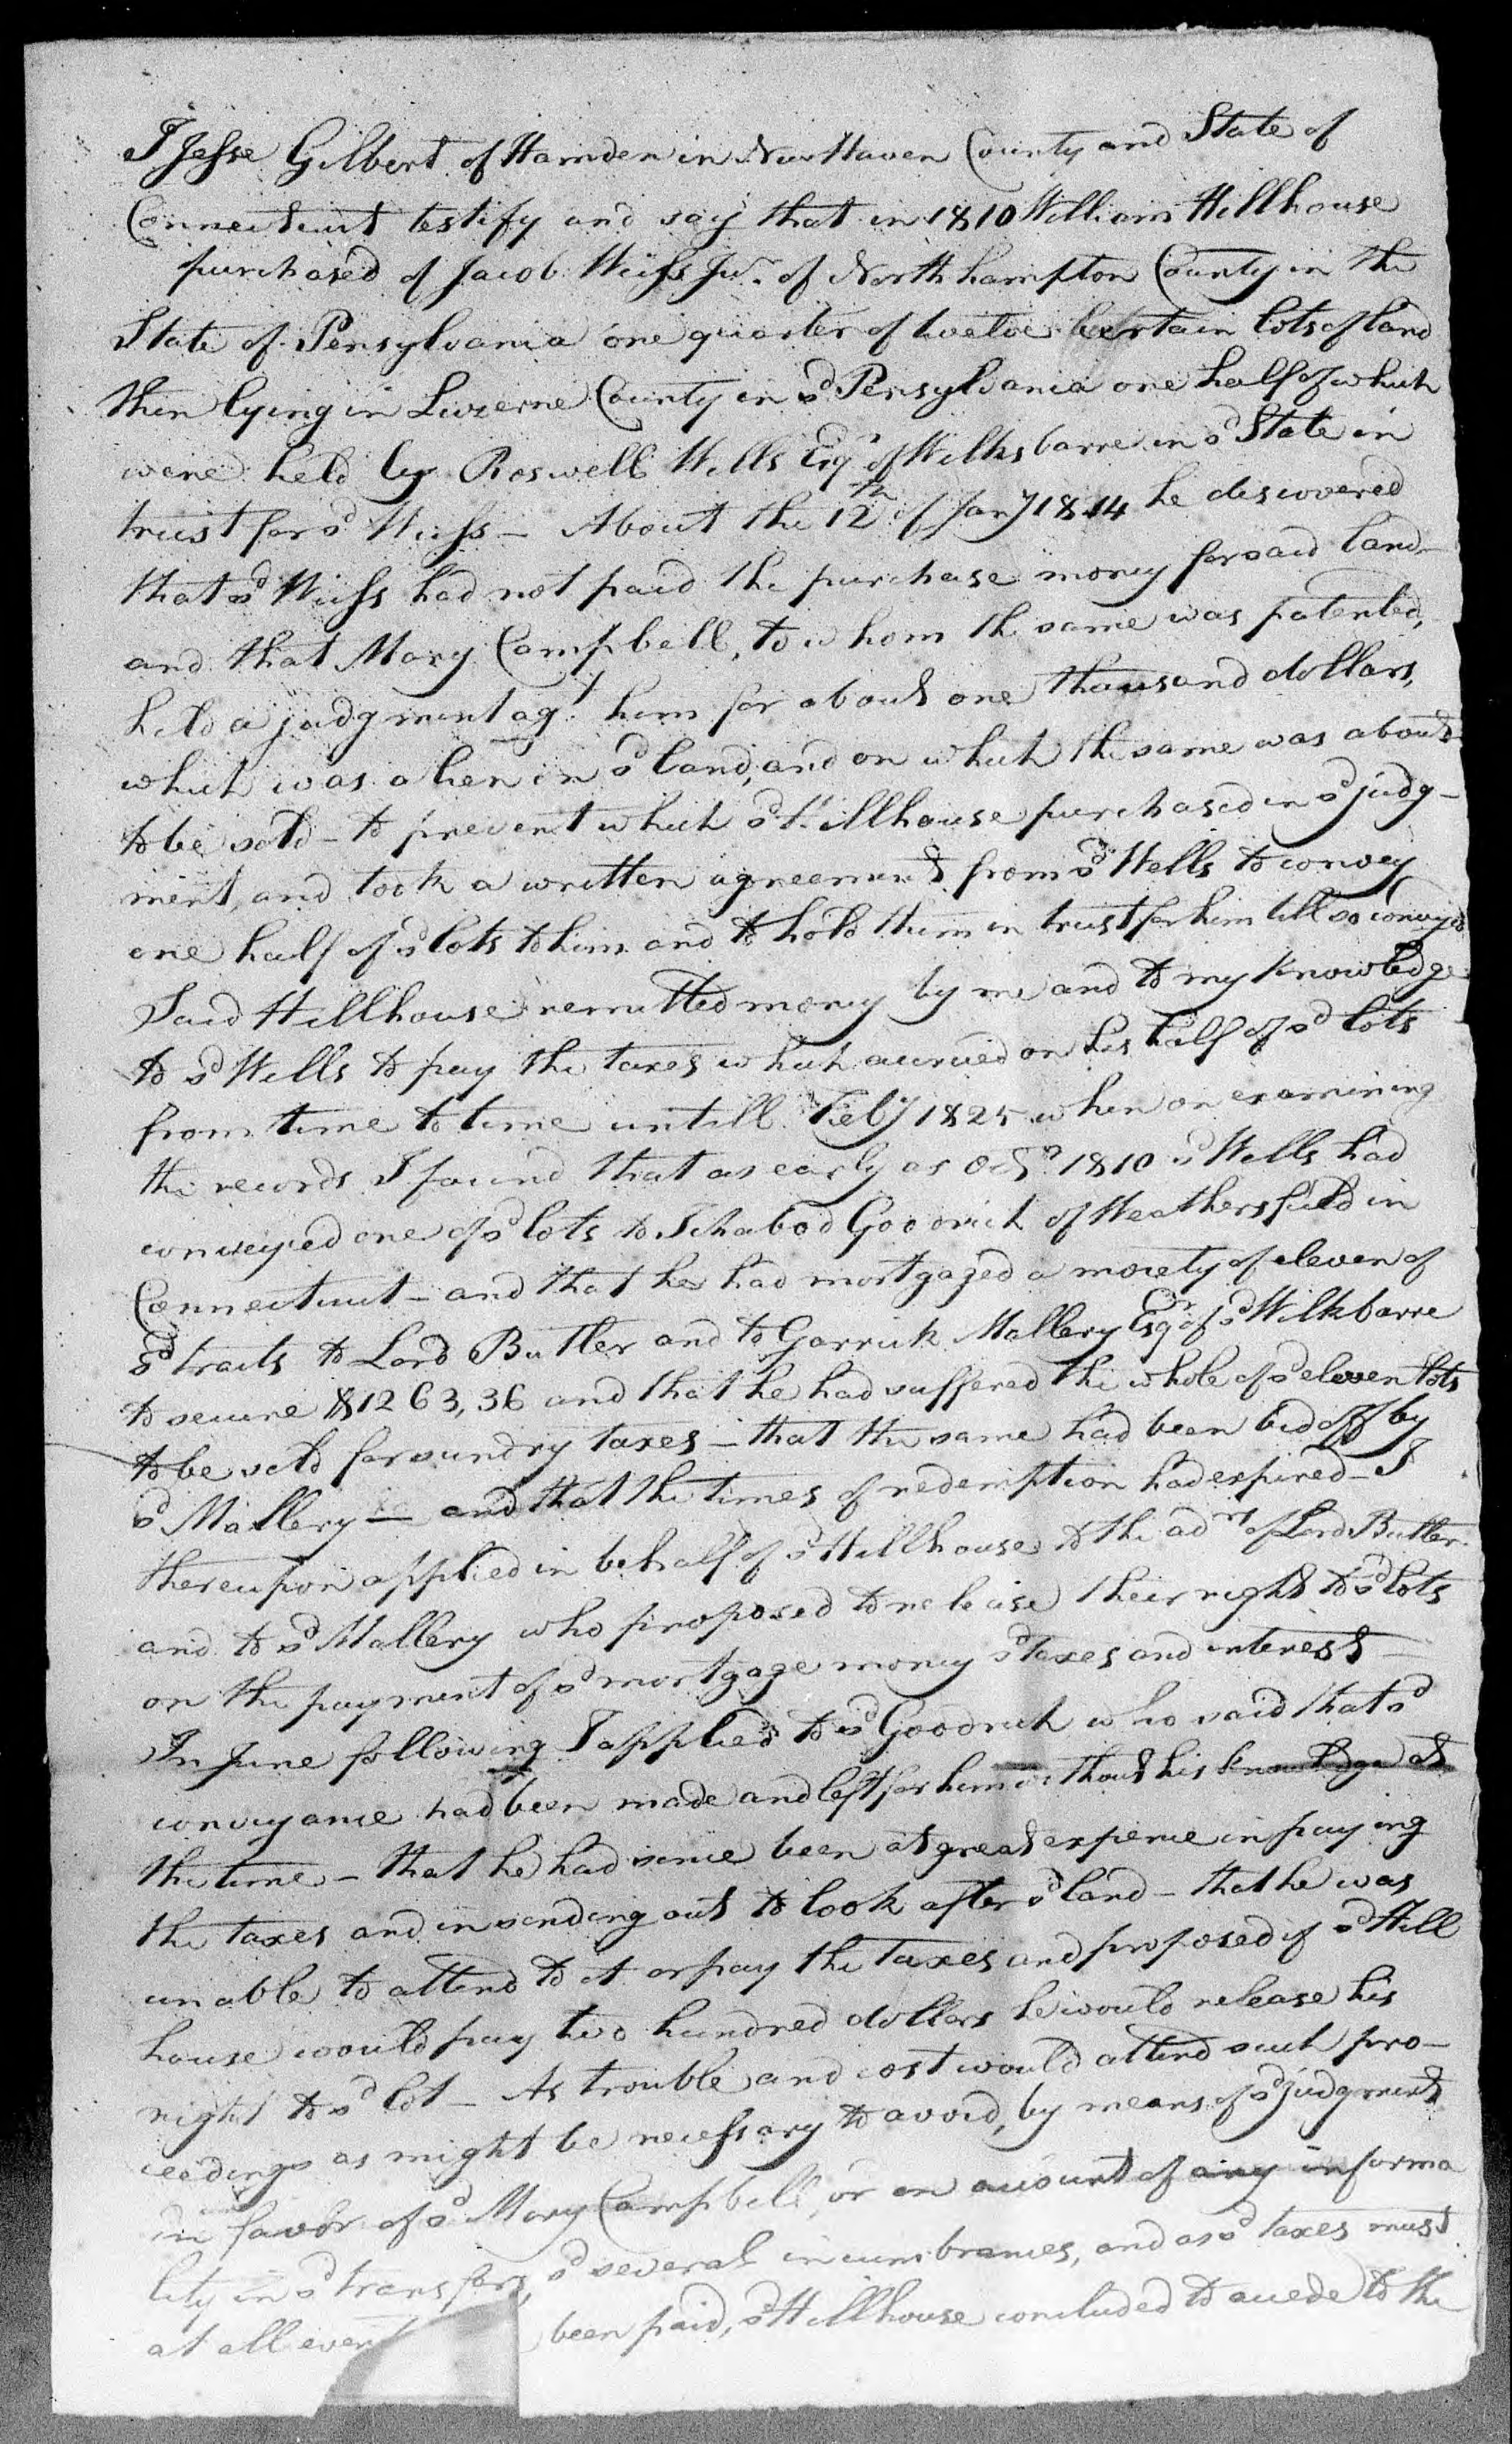I Jesse Gilbert of Hamden in New Haven County and State of Connecticut testify and say that in 1810 William Hillhouse purchased of Jacob Weiss Jr of North Hampton County in State of Pennsylvania one quarter of twelve certain lots of then lying in Luverne County in said Pennsylvania, one half of which were held by Roswell Wells Esq of Wilkes Barre in said state in trust for said Weiss.

About the 12th of Jany 1814 he discovered that said Weiss had not paid the purchase money for said land and that Mary Campbell, to whom the same was patented held a judgement against him for about one thousand dollars which was a lien on said land, and on which the same was about to be sold.

To prevent which said Hillhouse purchased in a judgement and took a written agreement from said Wells to convey one half of said lots to him and to hold them in trust for him left so conveyed.

Said Hillhouse remitted the money by me and to my knowledge to said Wells to pay the taxes which accrued on his half of said lots from time to time until Feby 1825 when on examining the records I found that as early as Oct 1810 said Wells had conveyed one of said lots to Ichabod Goodrich of Wethersfield Connecticut. And that he had mortgaged a morety of eleven said trails to Lord Butler and to Garrick Mallary Esq of said Wilkes Barre to secure $1263.36 and that he had suffered the whole of said eleven lots to be sold for sundry taxes. That the same had been bid off by said Mallary. And that the times of redemption had expired, I thereupon applied in behalf of said Hillhouse to the admr  of Lord Butler and to said Mallary who proposed to me to use their rights to said lots on the payment of said mortgage money, said taxes and interests.

In June following, I applied to said Goodrich who said that said conveyance had been made and left for him or that his knowledge at the time. That he had since been at great expense in paying the taxes and in sending out to look after said land. That he was unable to attend to it or pay the taxes and proposed if said Hillhouse could pay two hundred dollars he would release his right to said lot. 

As trouble and cost would attend such proceedings as might be necessary to avoid by means of said judgement in favor of said Mary Campbell, or on account of any information late in said transfers, said several incumbrances, and also said taxes must at all events been paid. Said Hillhouse concluded to accede to the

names: Butler, Ichabod Goodrich, Jesse Gilbert, Hillhouse, Roswell Wells, Hillhouse, Weiss, Butler, Mary Campbell, Jacob Weiss, Hillhouse, Wells, Garrick Mallery, Weiss, Wells, Hillhouse, Mallery, William Hillhouse, Wells, Mary Campbell, Hillhouse, Mallery, Goodrich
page: 24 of 46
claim: survivor's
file: S. 36,556, Ichabod Goodrich, Conn.